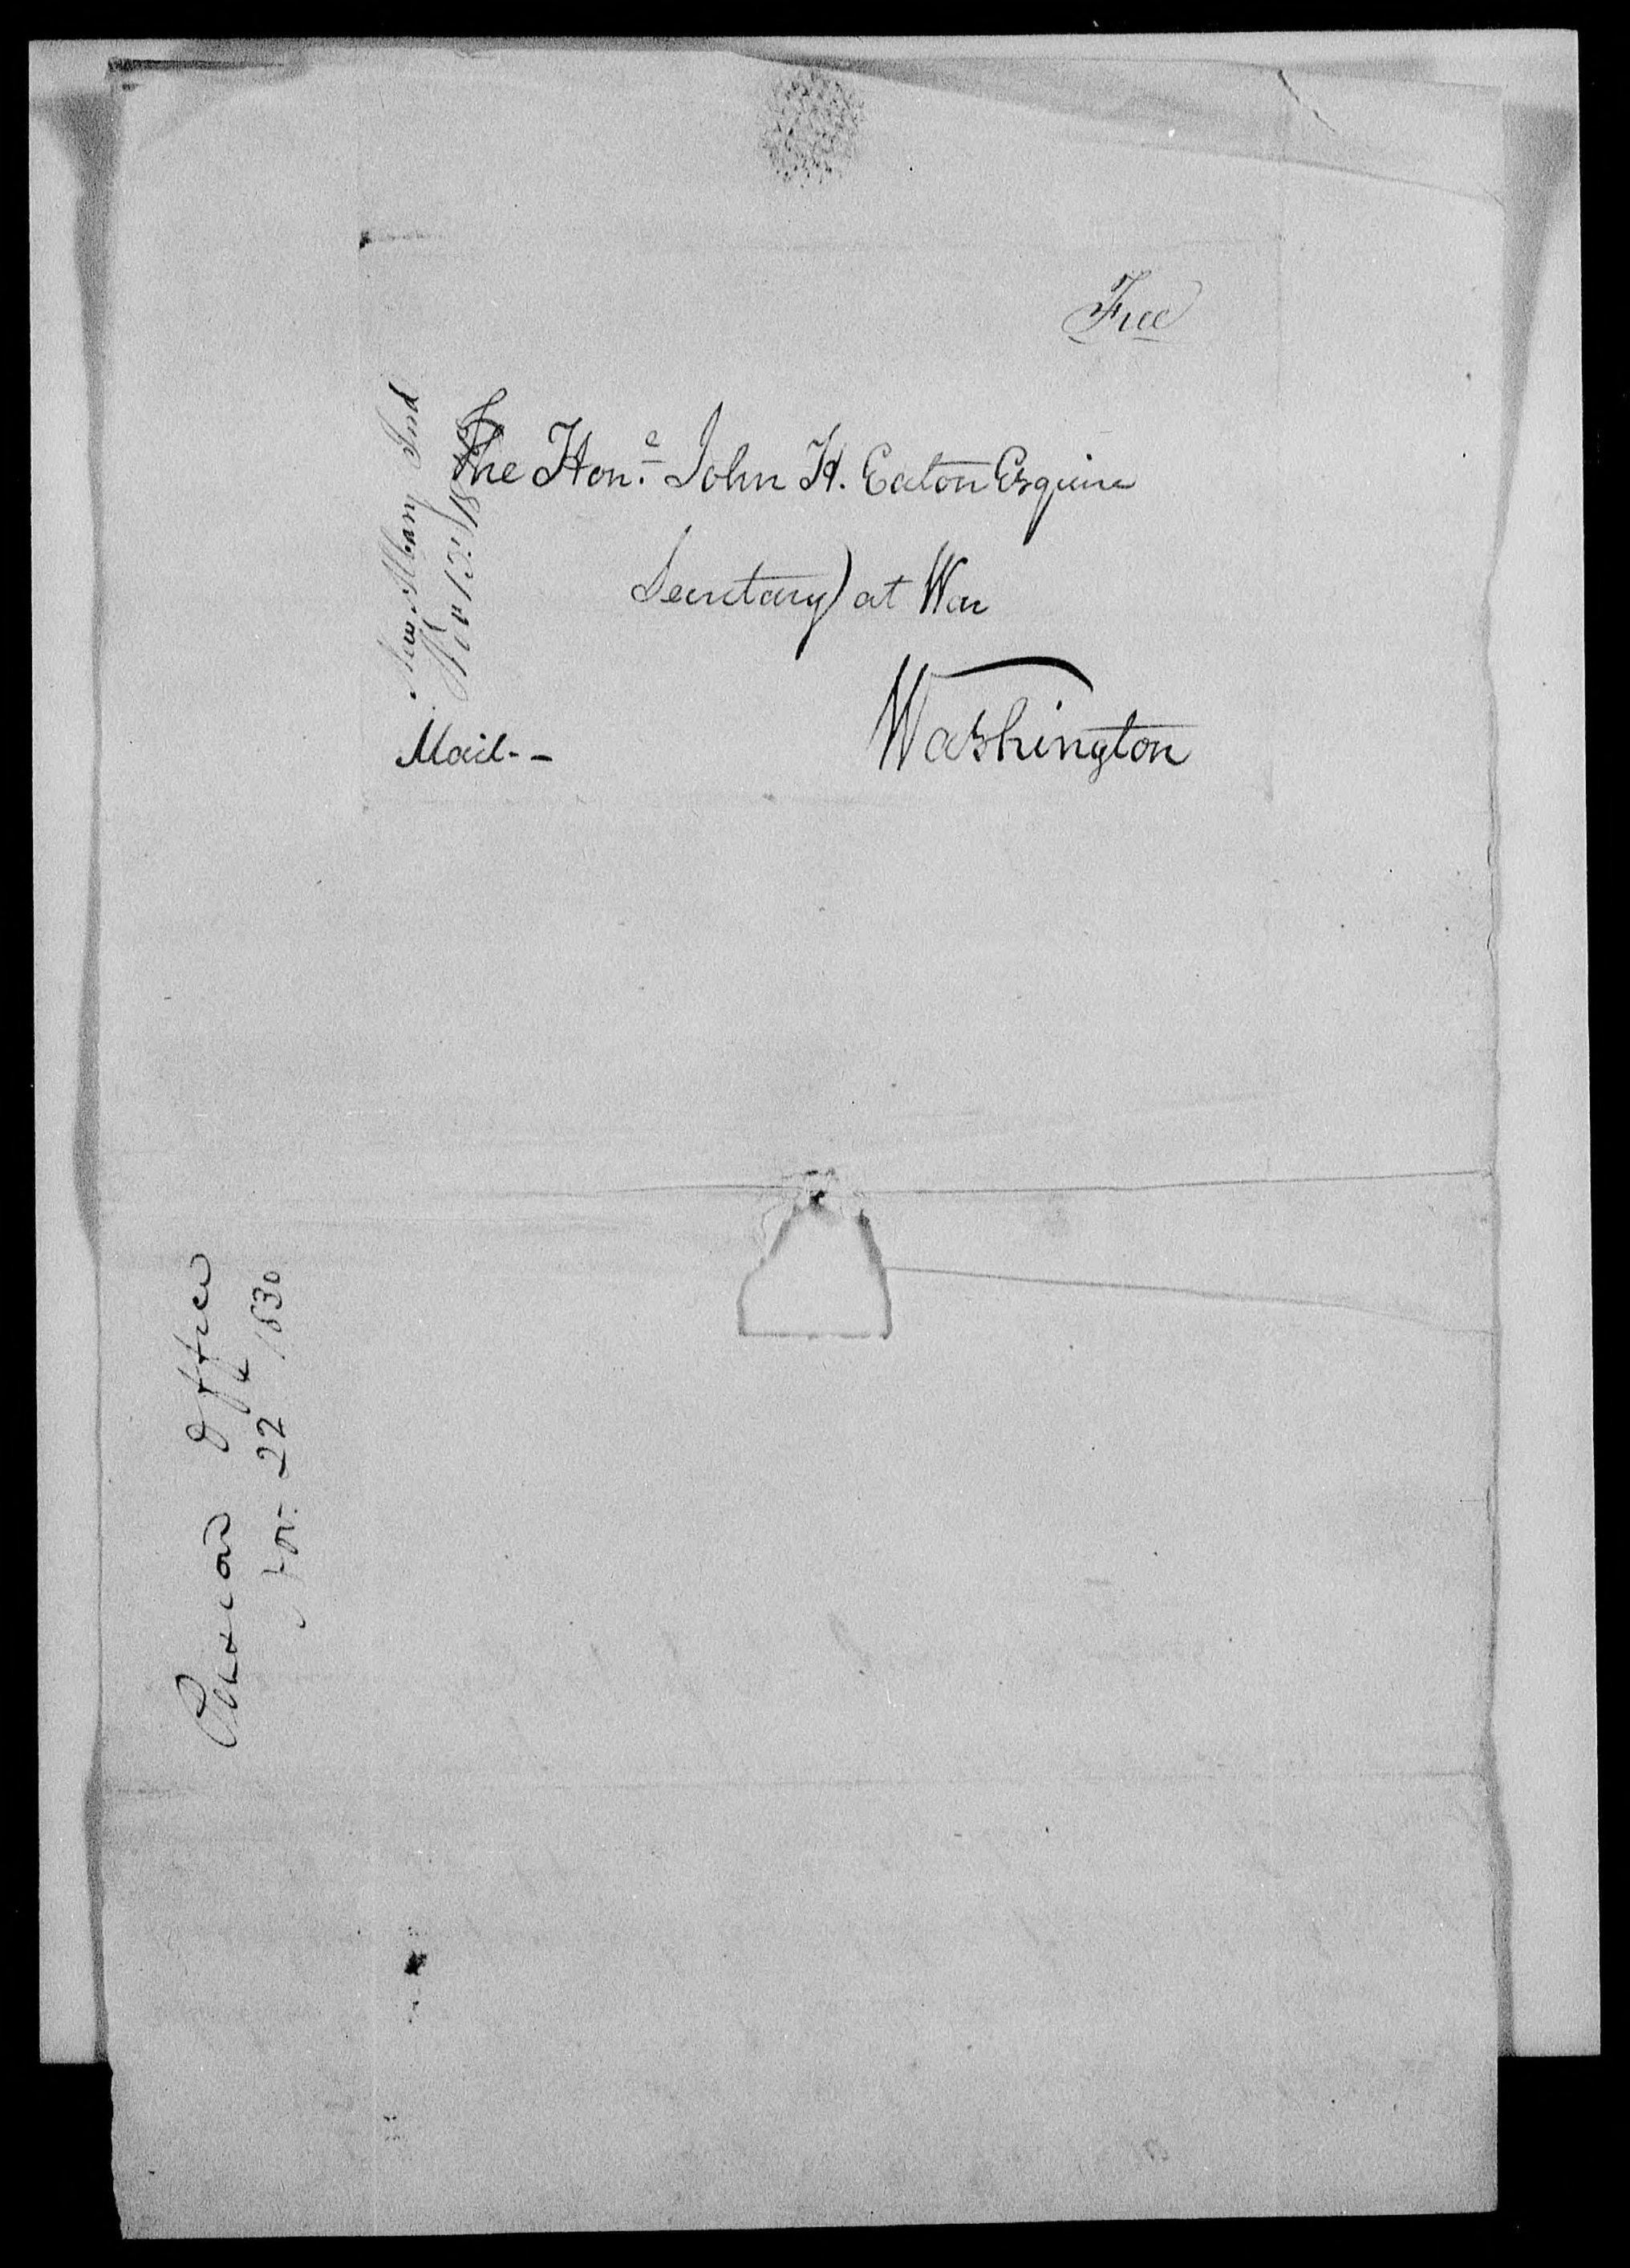Free
The Hon. c/ John H Eaton Esquire
Secretary of War
Washington

Mail

Perpendicular to top:
New Albany, Ind
Nov 13, 1870

Pension Office 
Nov 22 1830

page: 48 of 62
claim: widow's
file: W. 765, for Richard L Jones, Connecticut